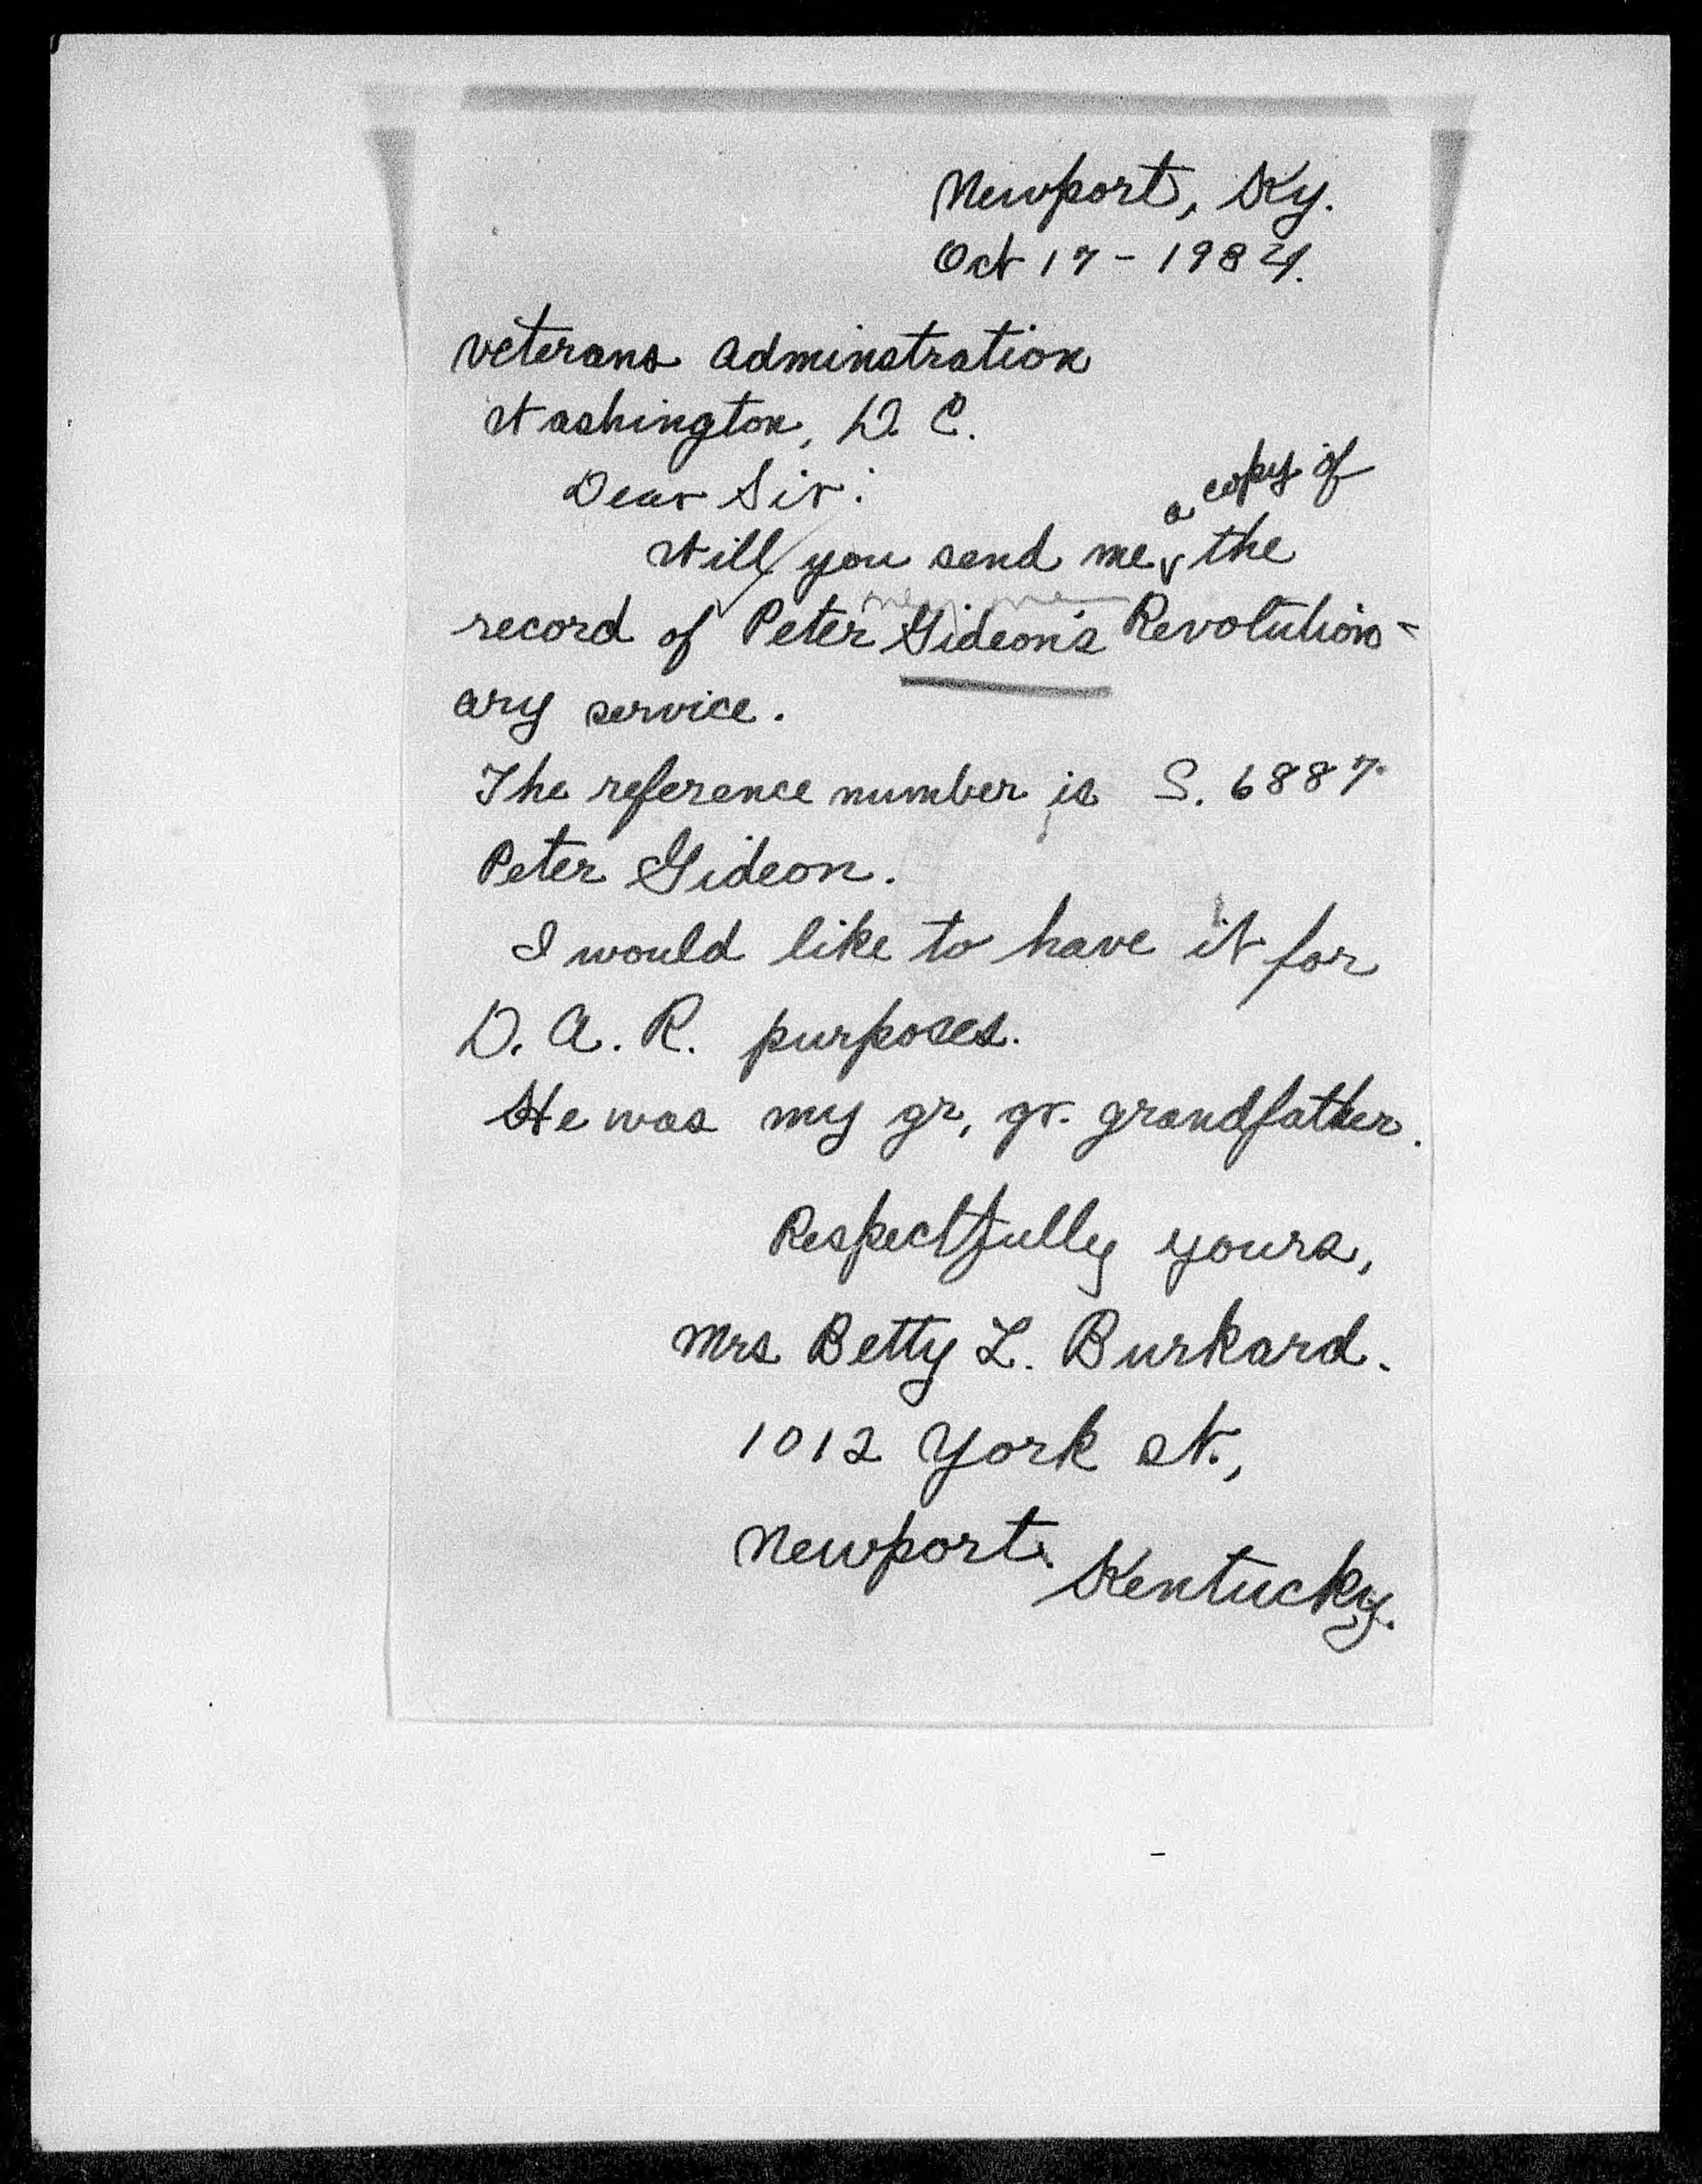Newport, Ky.
Oct 17, 1984

Veterans Administration
Washington, DC.

Dear Sir

Will you send mea copy of  the
record of Peter Gideon's Revolutionary service.
The reference number is S. 6887 Peter Gideon
I'd like to have it for
D.A.R.purposes.
He was my gr. qr. grandfather

Respectfully yours,
Mrs Betty L. Burkard
1012 York St.
Newport
Kentucky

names: Peter Gideon, Betty L Burkard, Peter Gideon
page: 40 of 64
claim: survivor's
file: S. 6887, Peter Gideon, Md.